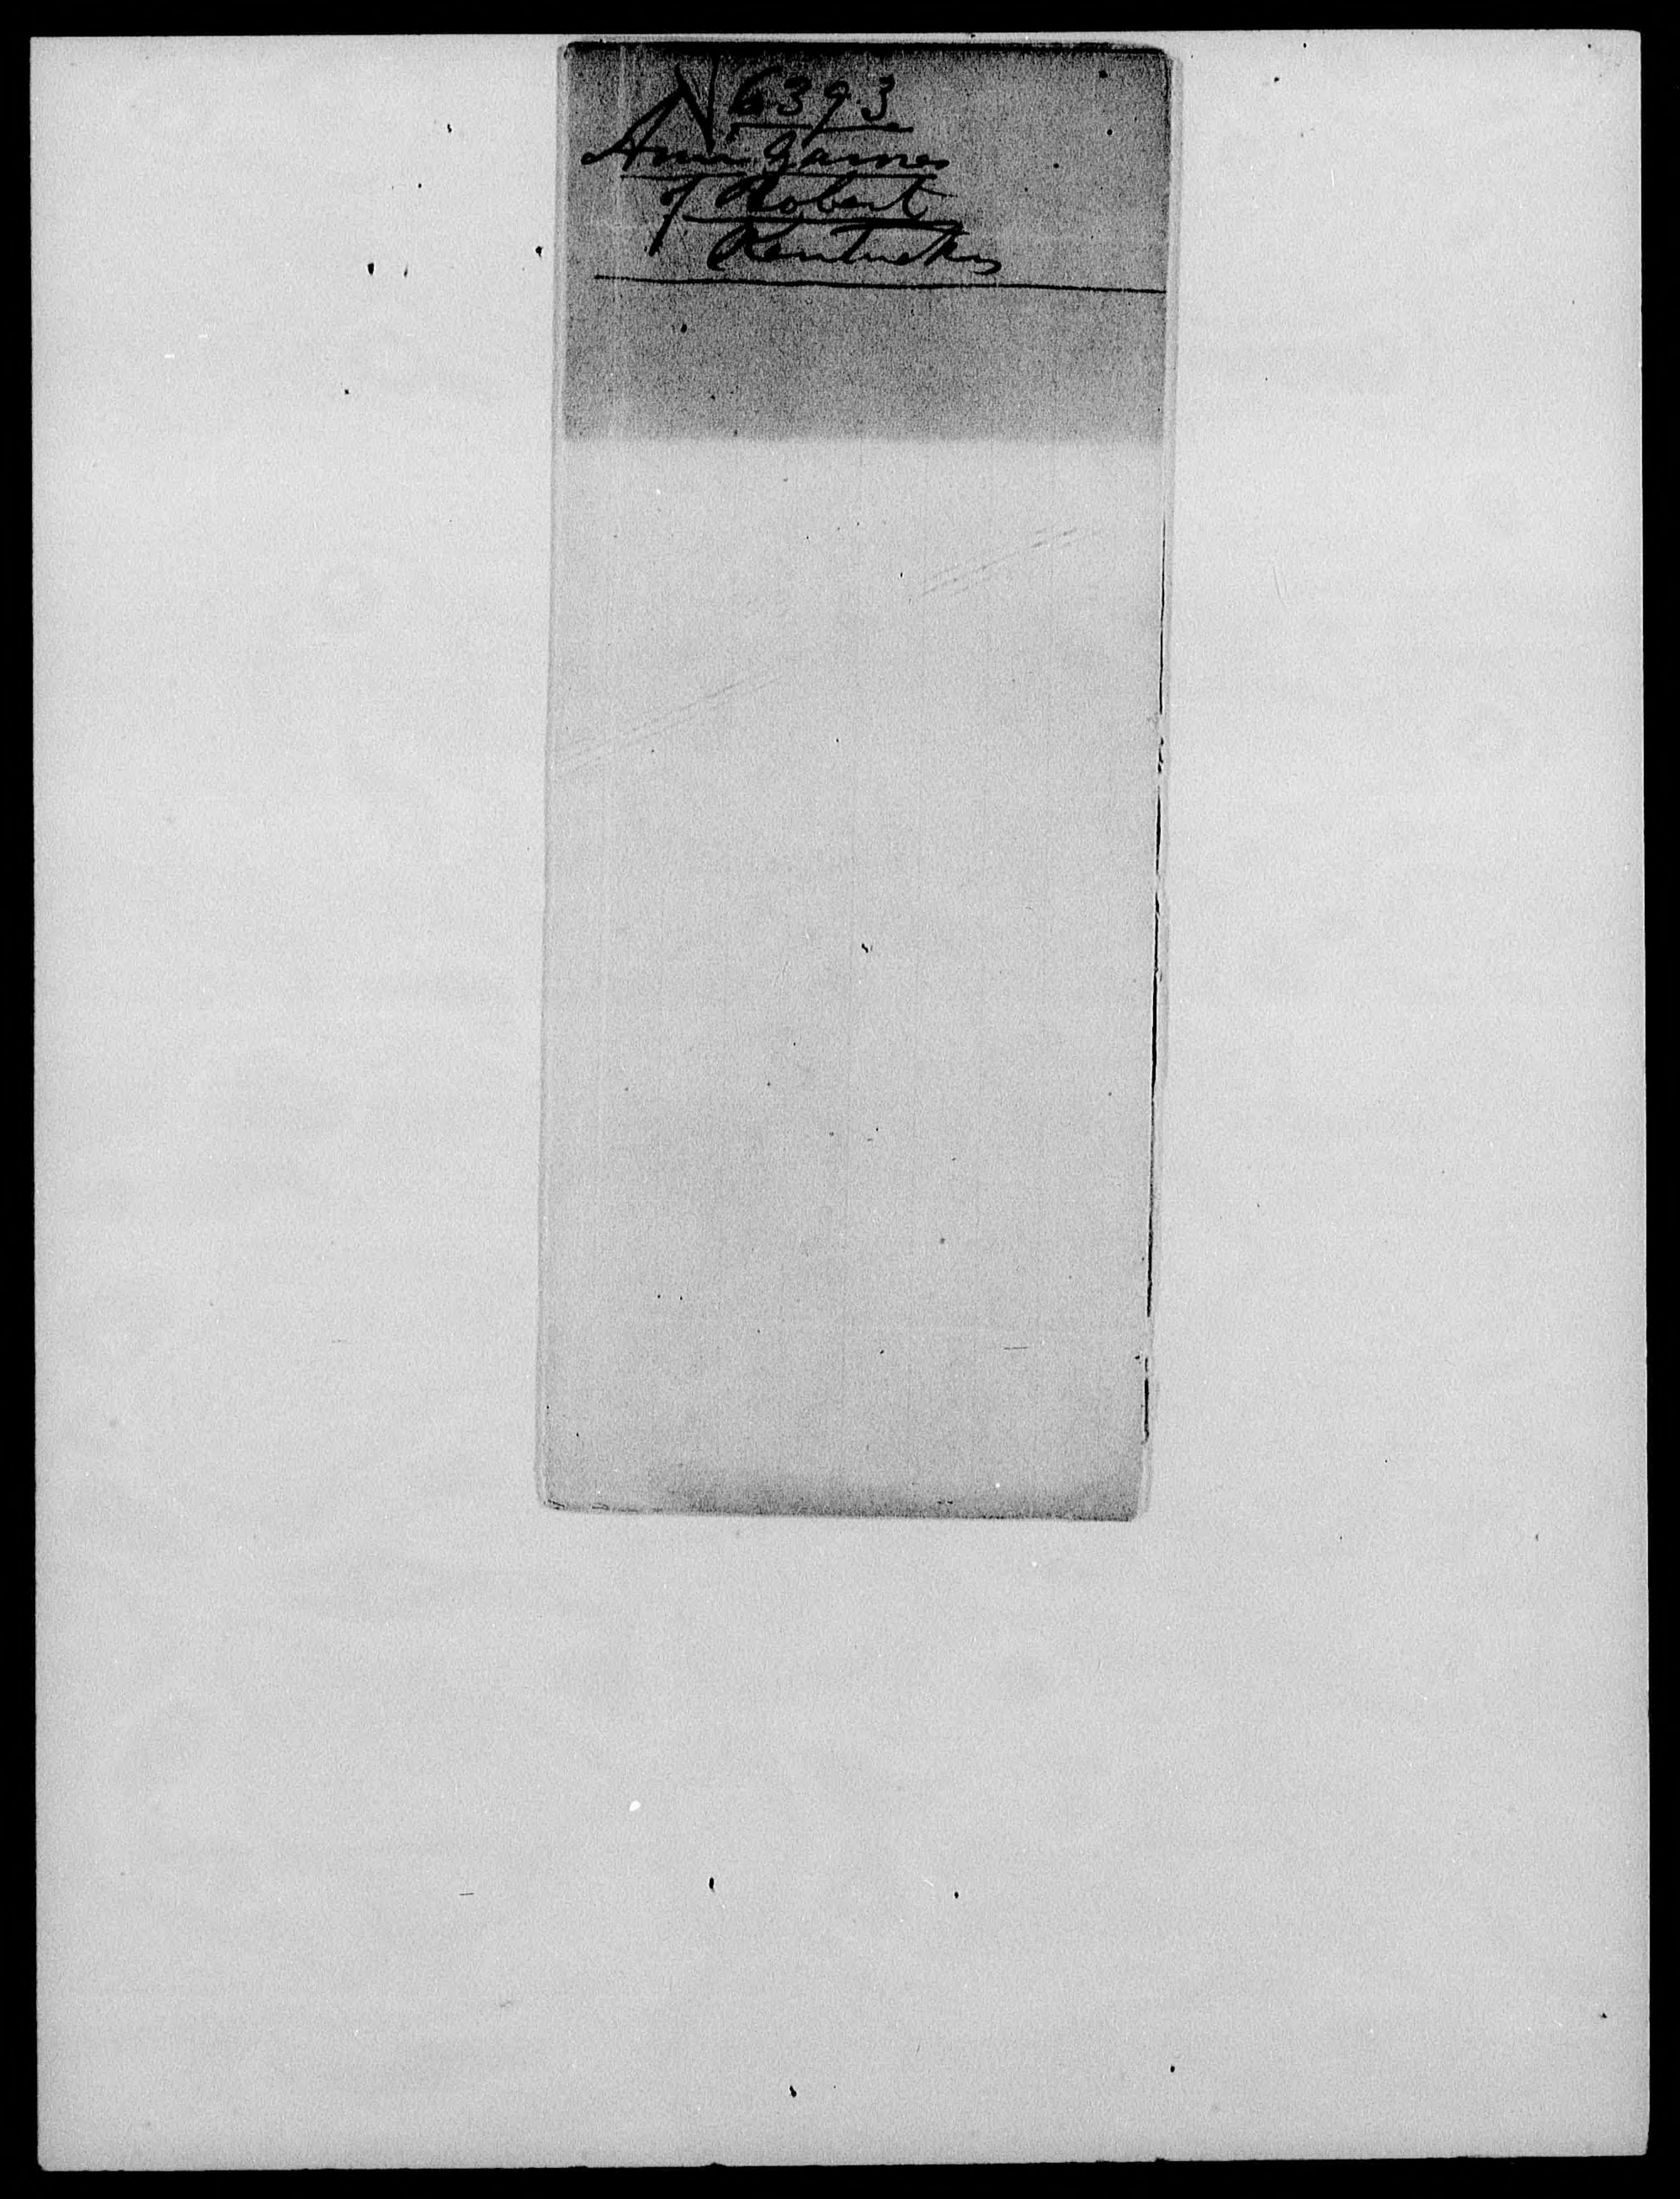V. 6393
Ann Gaines
of Robert
Kentucky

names: Robert, Anne Gaines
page: 17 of 79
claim: rejected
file: R. 3863, Robert Gaines, Va.